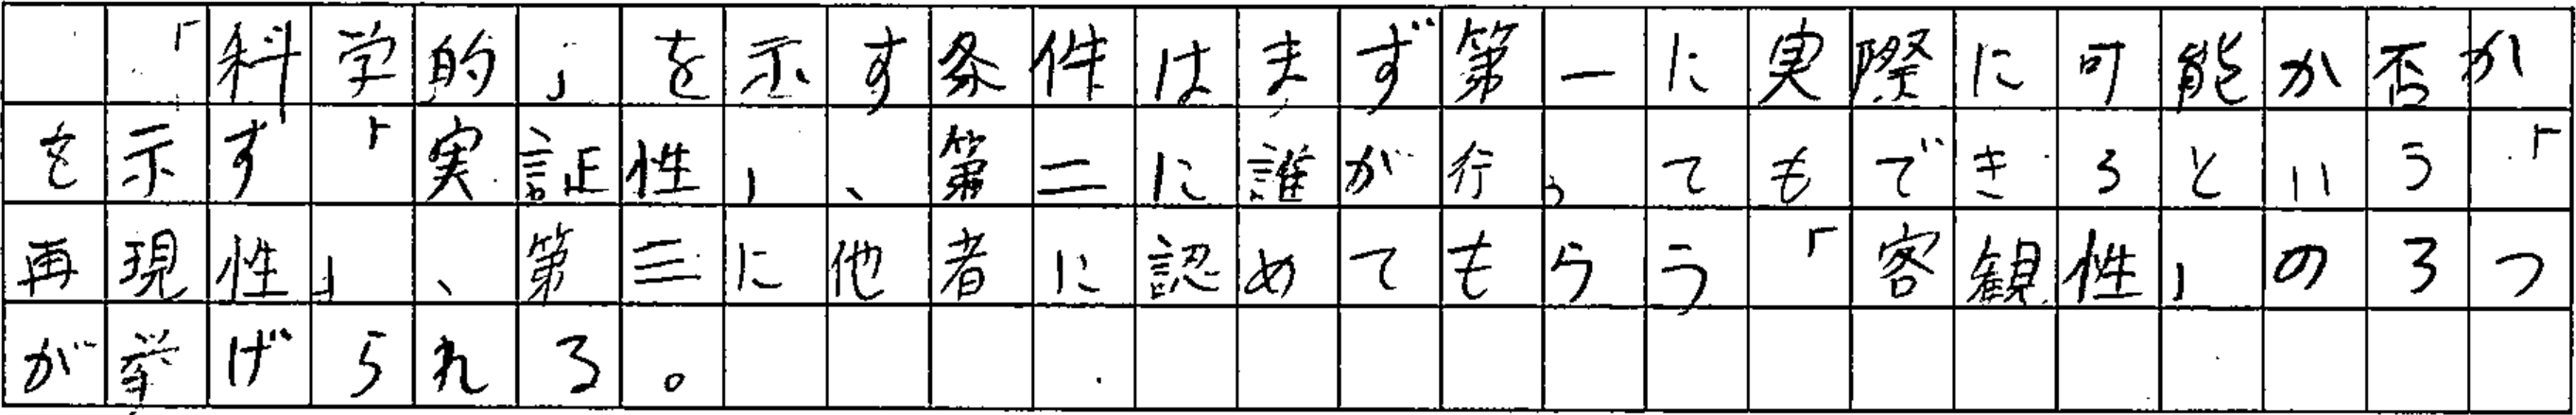　「科学的」を示す条件はまず第一に実際に可能か否かを示す「実証性」、第二に誰が行ってもできるという「再現性」、第三に他者に認めてもらう「客観性」の３つが挙げられる。
